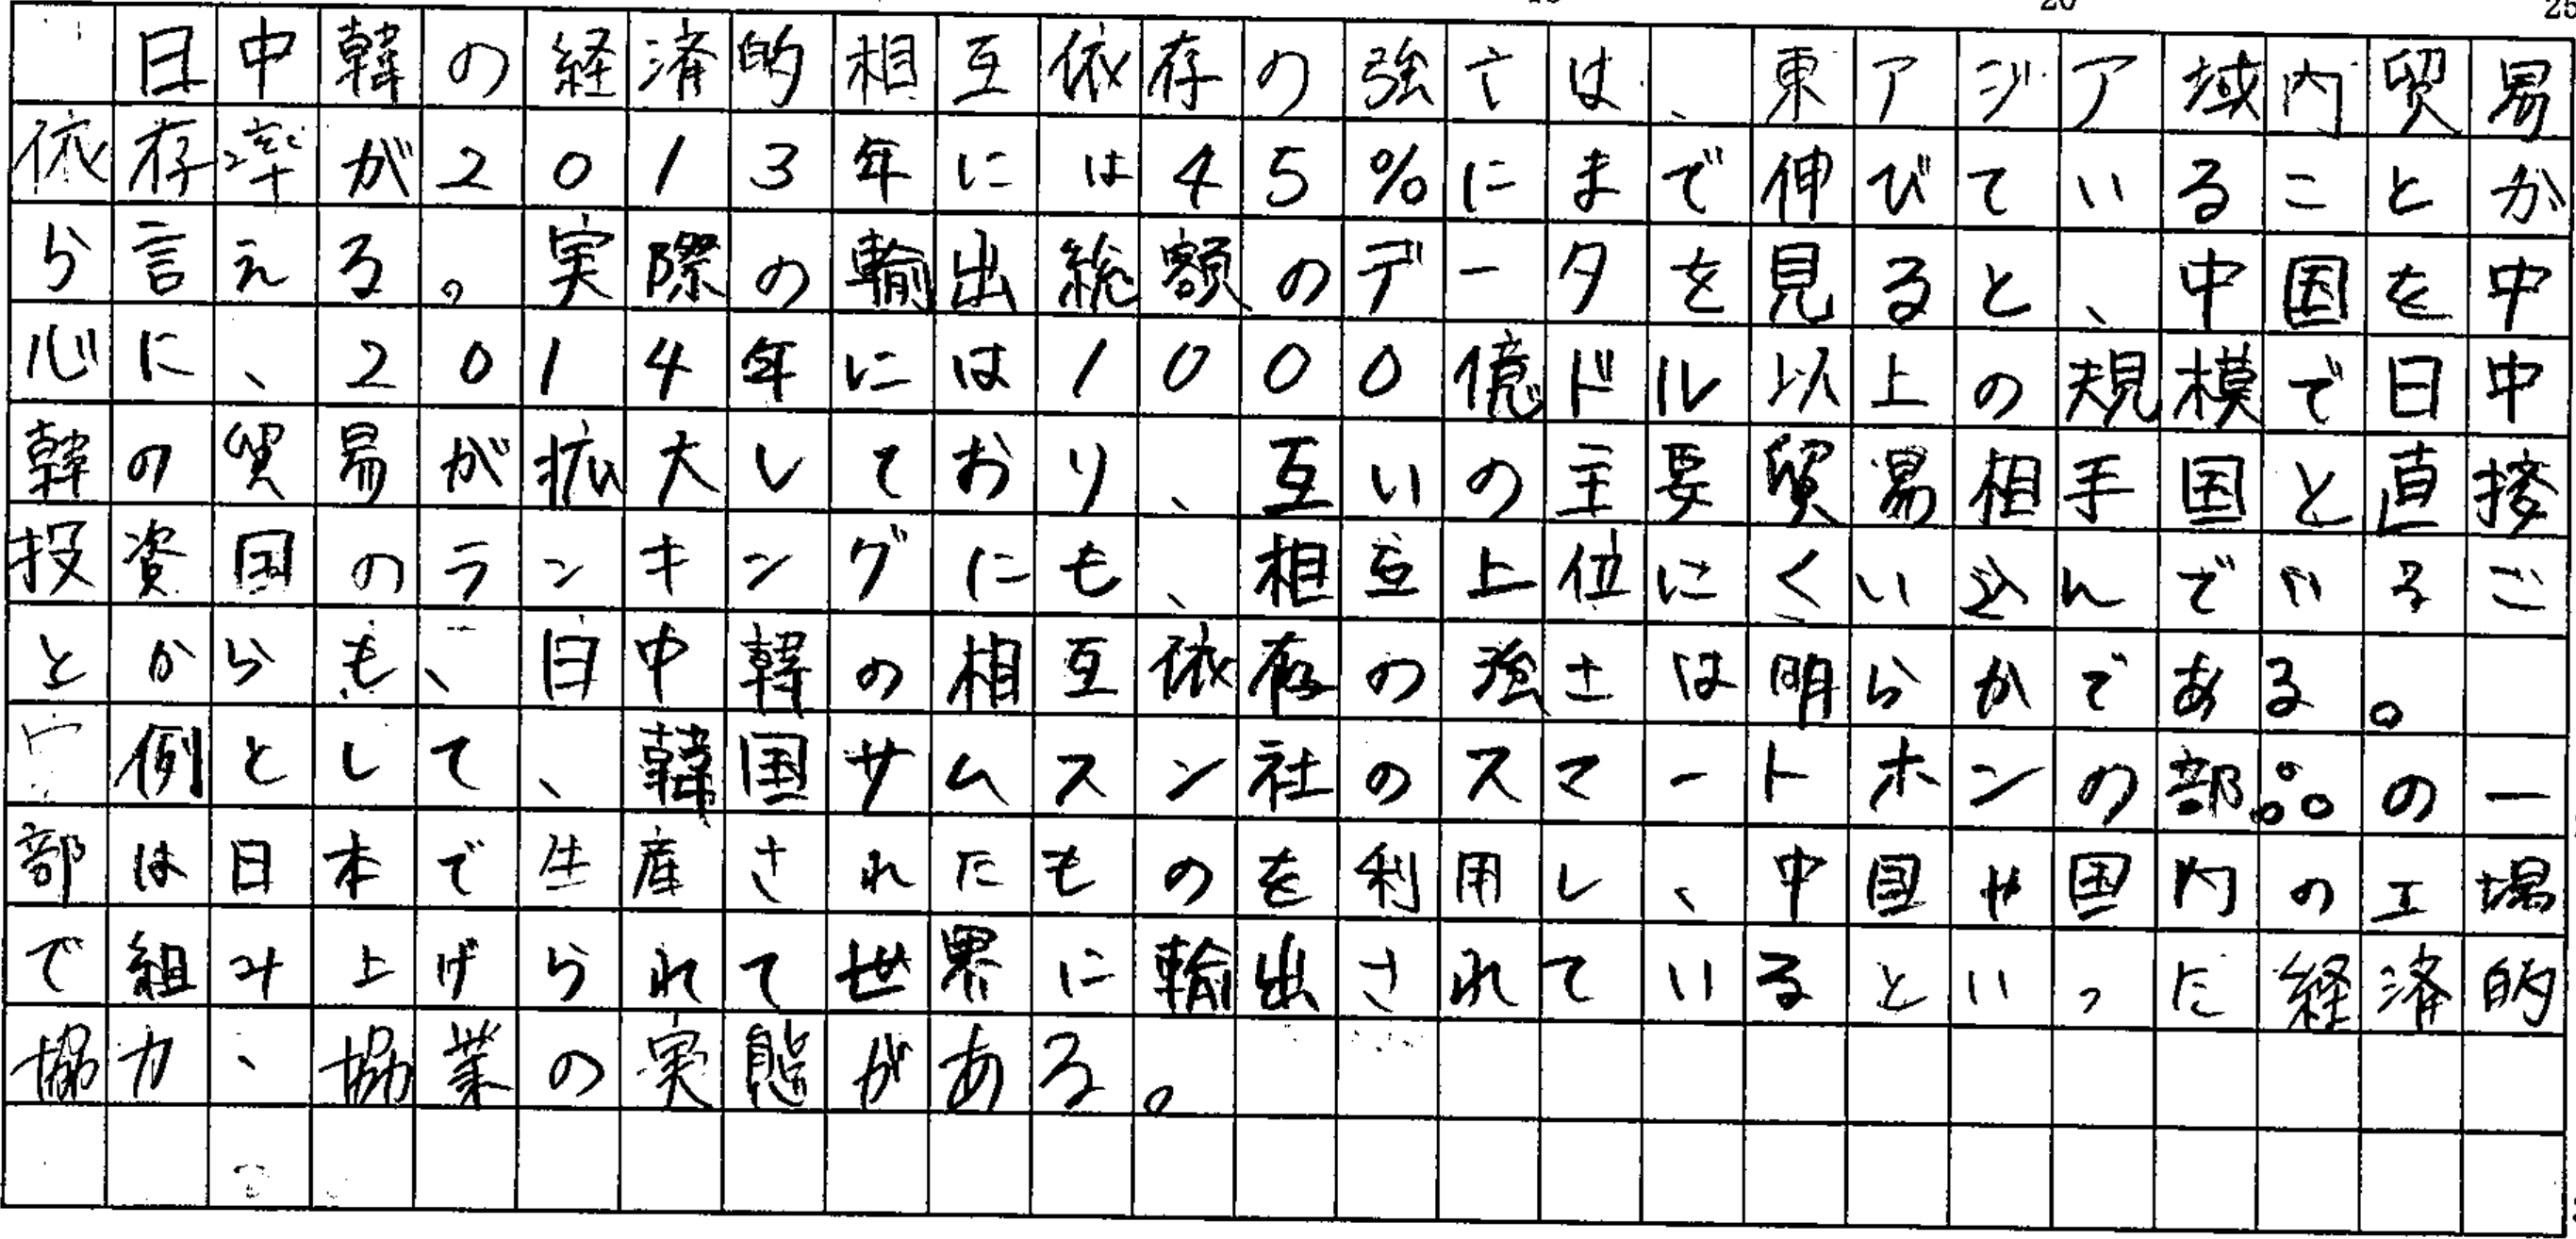　日中韓の経済的相互依存の強さは、東アジア域内貿易依存率が２０１３年には４５％にまで伸びていることから言える。実際の輸出総額のデータを見ると、中国を中心に、２０１４年には１０００億ドル以上の規模で日中韓の貿易が拡大しており、互いの主要貿易相手国と直接投資国のランキングにも、相互上位にくい込んでいることからも、日中韓の相互依存の強さは明らかである。
　例として、韓国サムスン社のスマートホンの部品の一部は日本で生産されたものを利用し、中国や国内の工場で組み上げられて世界に輸出されているといった経済的協力・協業の実態がある。
